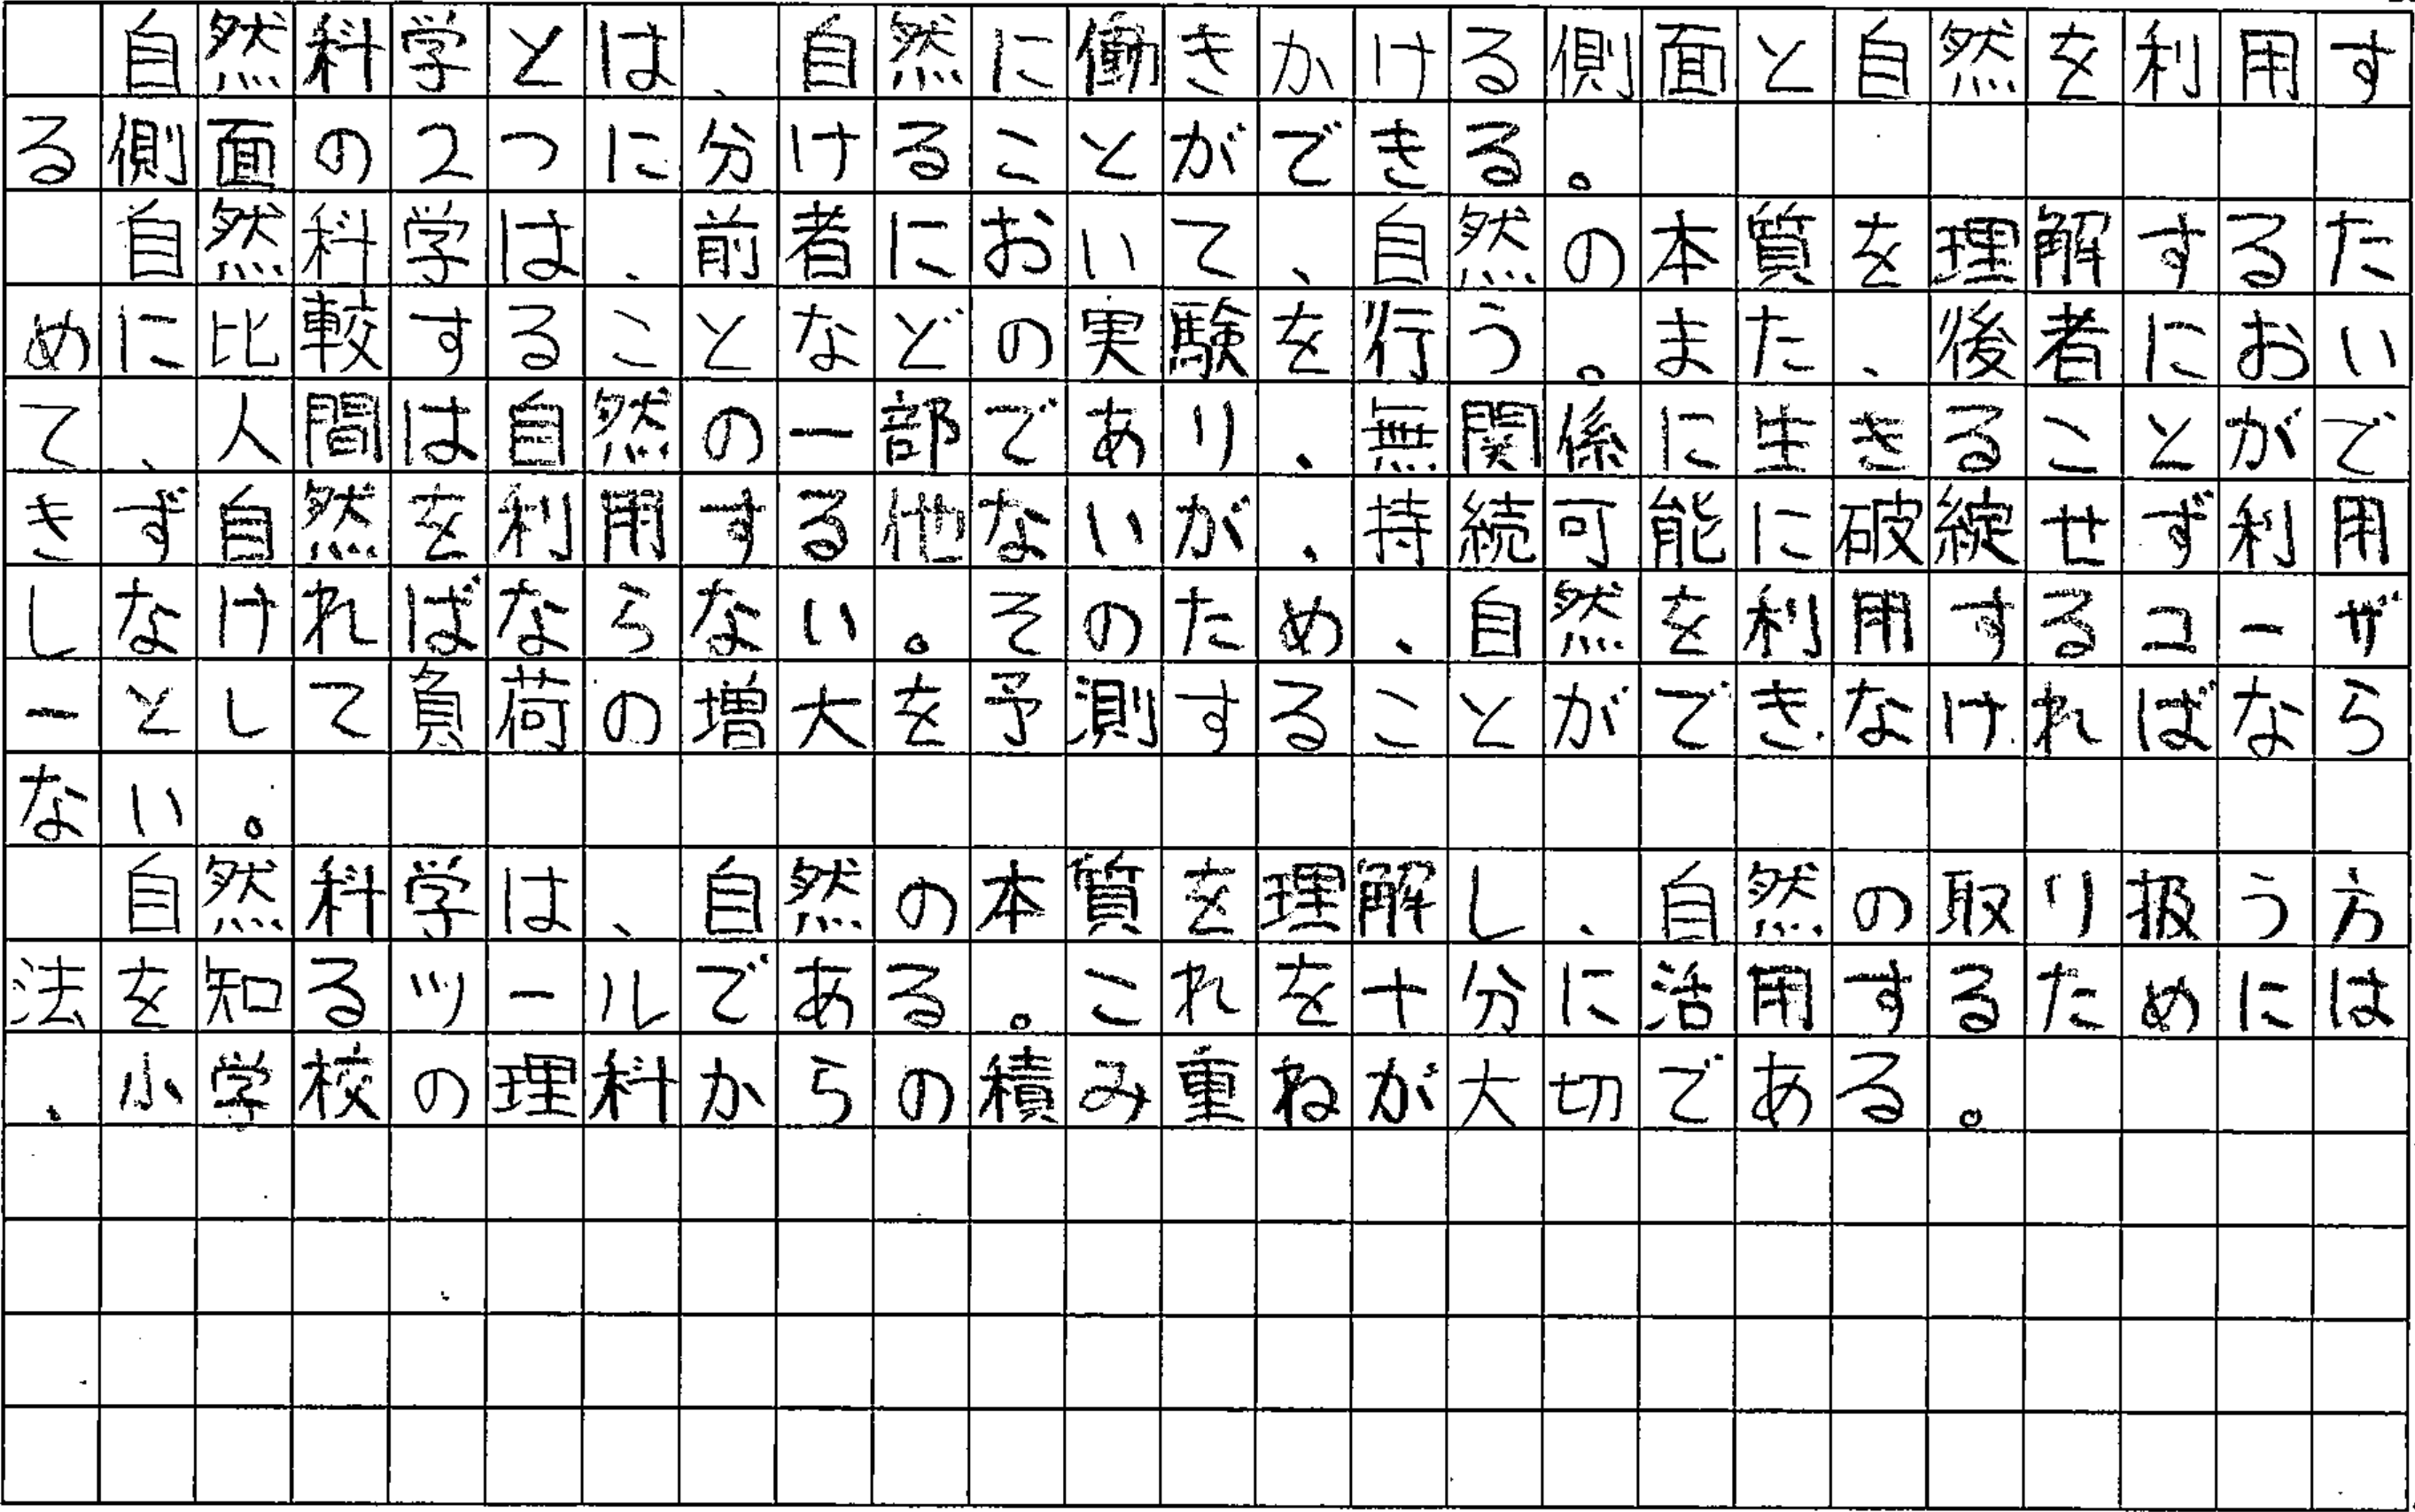　自然科学とは、自然に働きかける側面と自然を利用する側面の２つに分けることができる。
　自然科学は、前者において、自然の本質を理解するために比較することなどの実験を行う。また、後者において、人間は自然の一部であり、無関係に生きることができず自然を利用する他ないが、持続可能に破綻せず利用しなければならない。そのため、自然を利用するユーザーとして負荷の増大を予測することができなければならない。
　自然科学は、自然の本質を理解し、自然の取り扱う方法を知るツールである。これを十分に活用するためには、小学校の理科からの積み重ねが大切ある。
